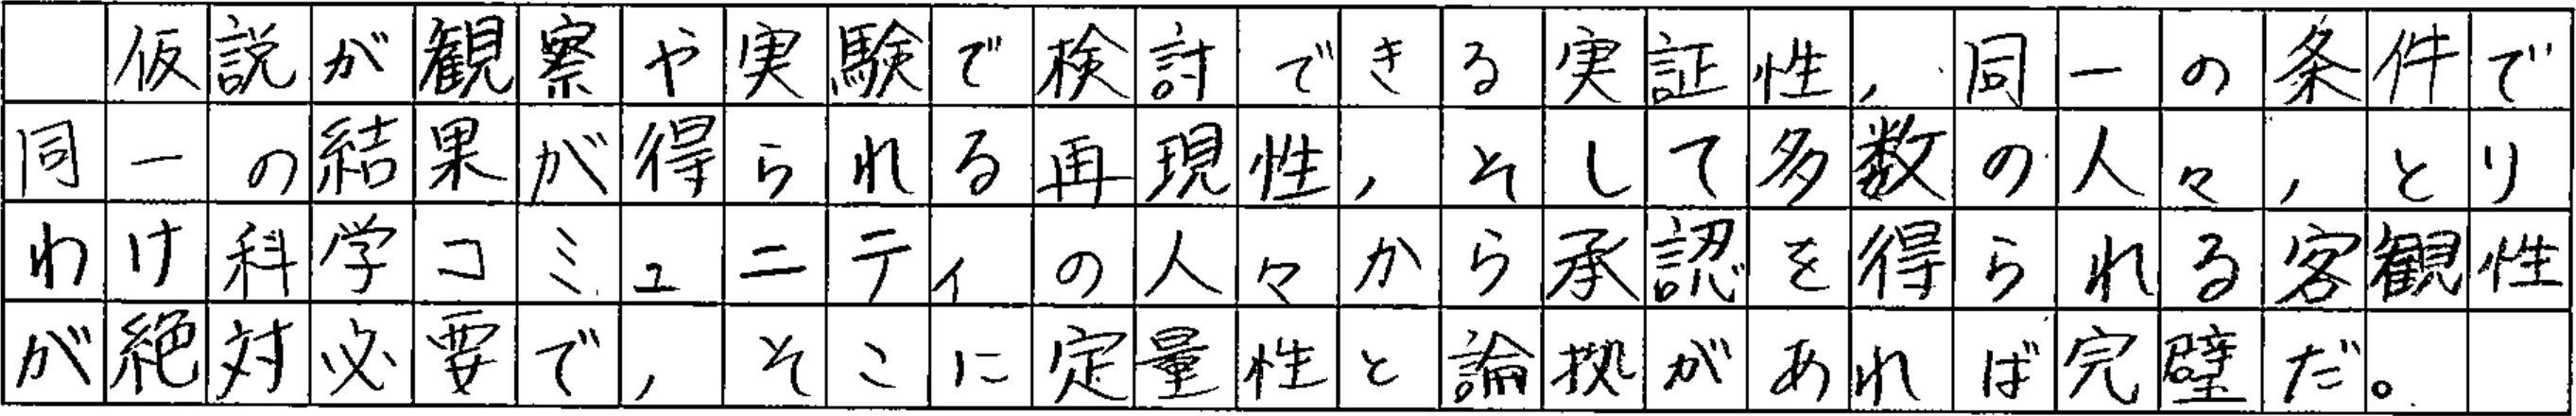　仮説が観察や実験で検討できる実証性，同一の条件で同一の結果が得られる再現性，そして多数の人々，とりわけ科学コミュニティの人々から承認を得られる客観性が絶対必要で，そこに定量性と論拠があれば完璧だ。
